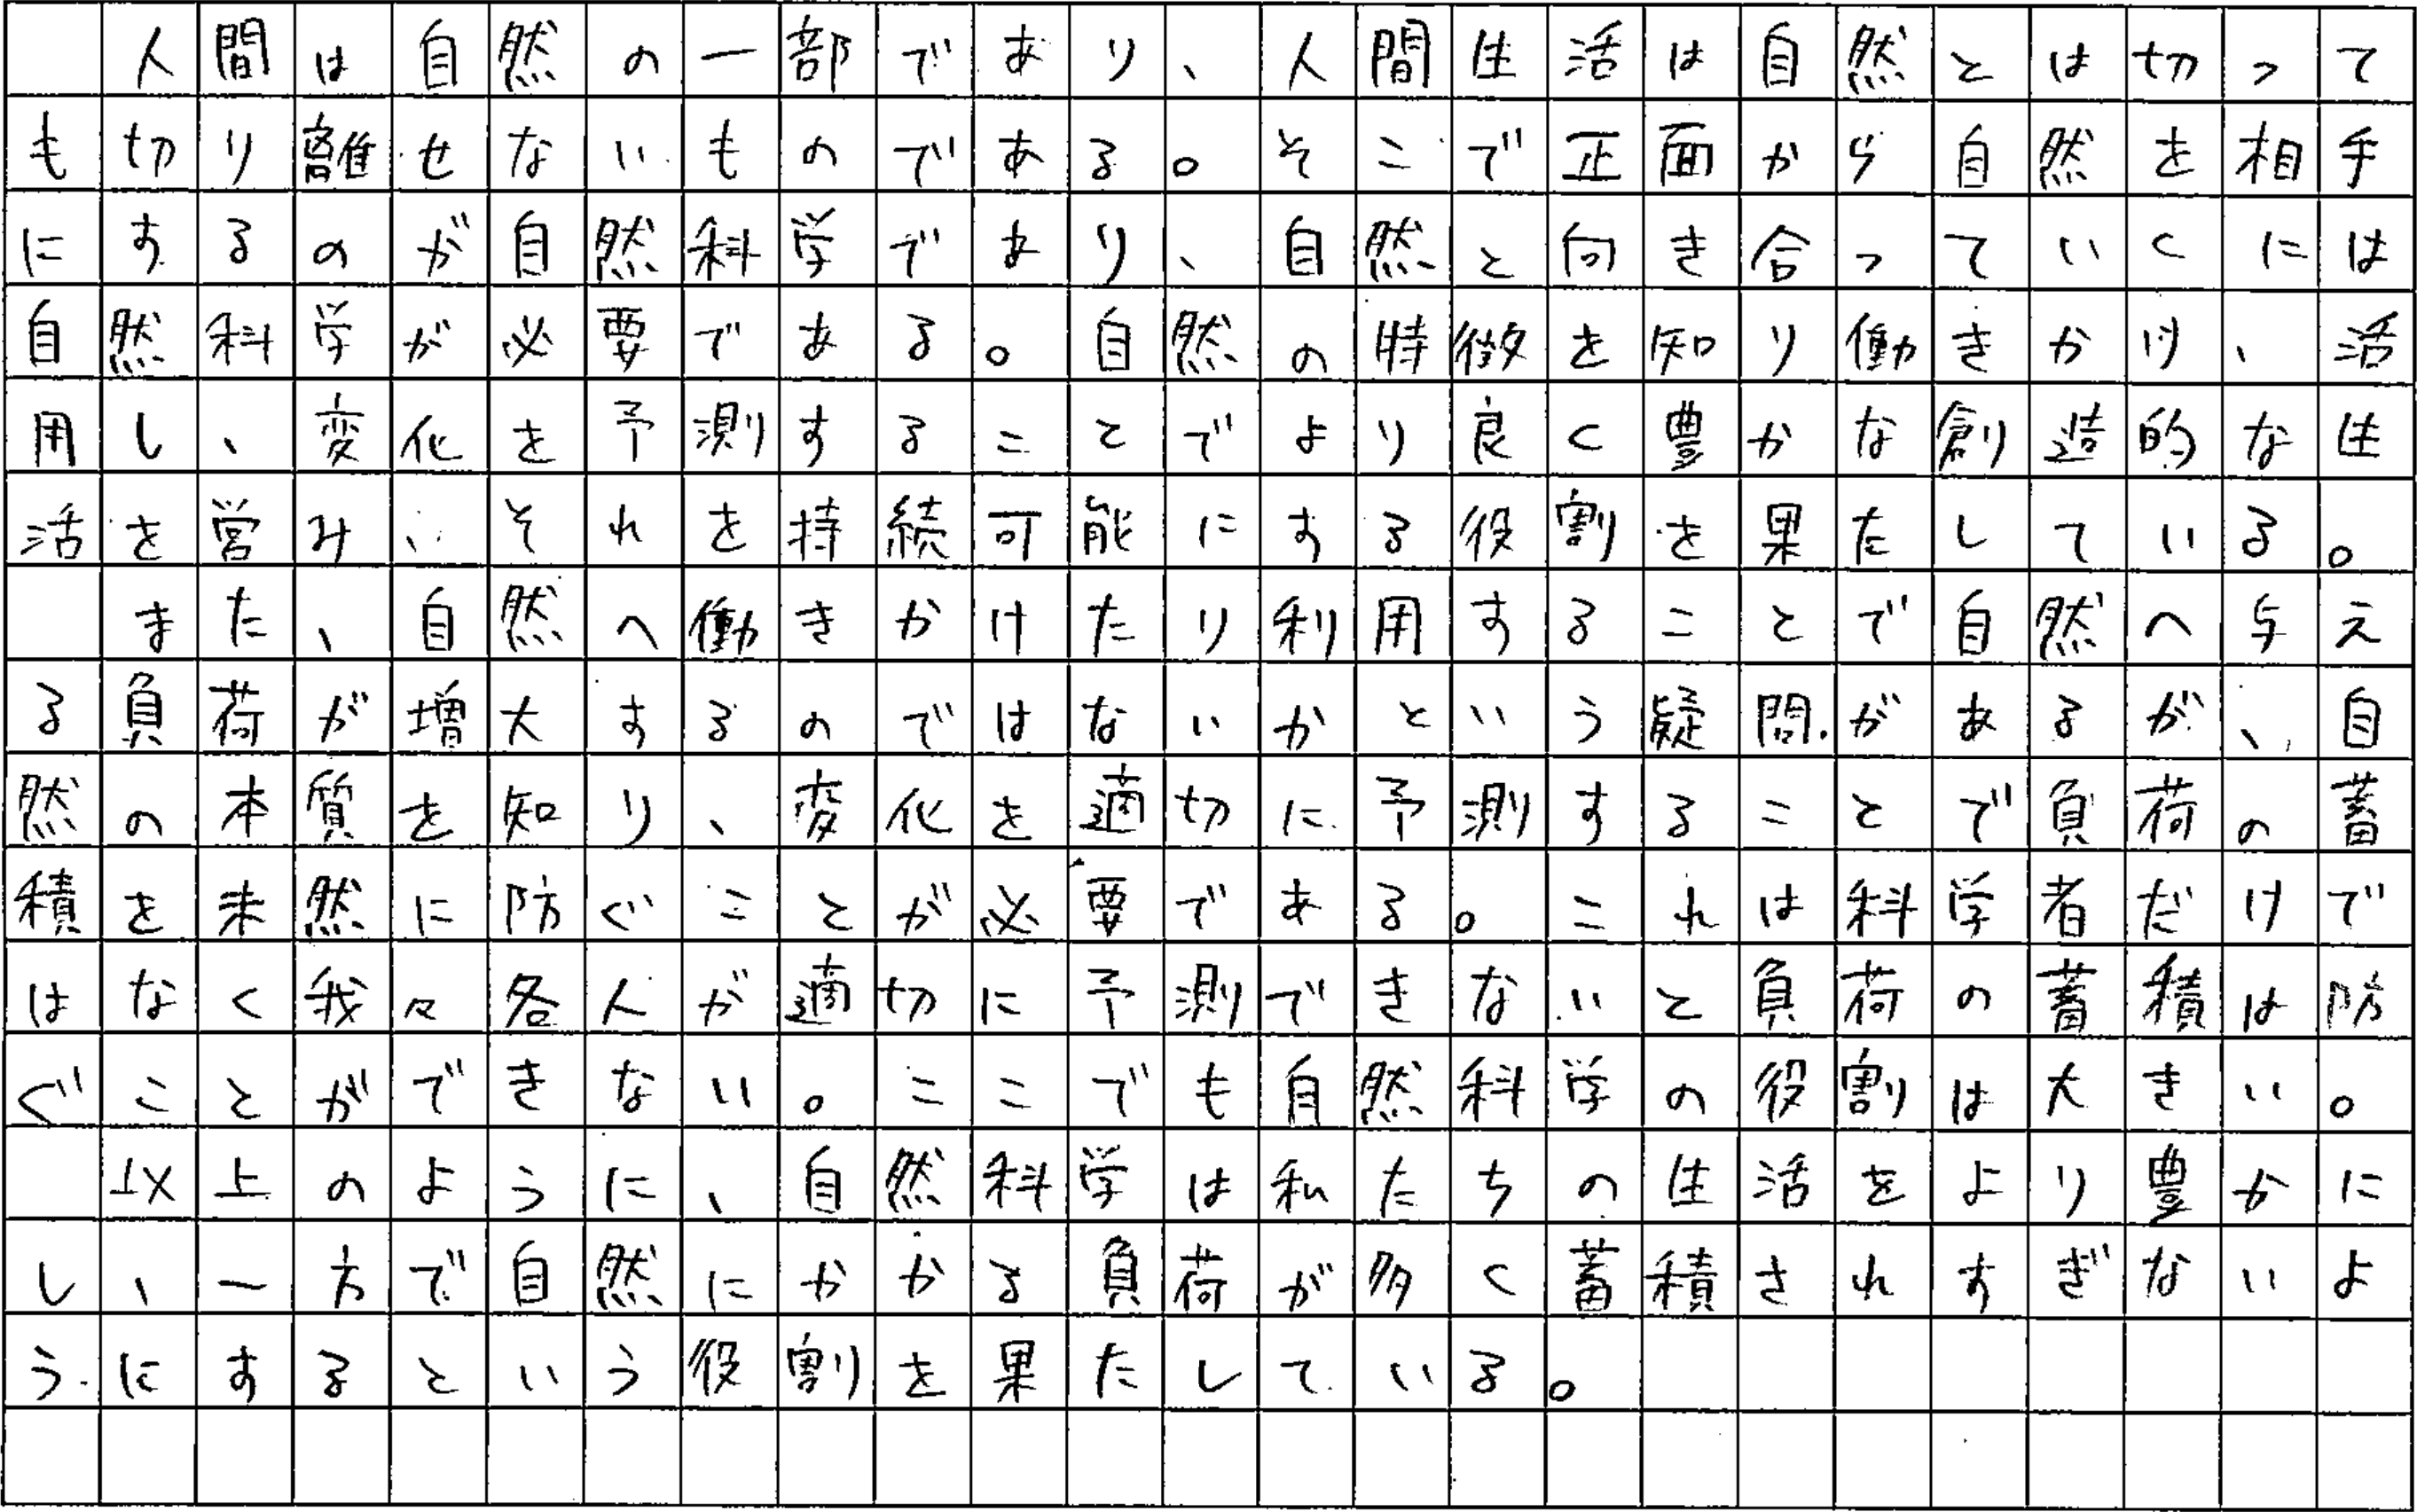　人間は自然の一部であり、人間生活は自然とは切っても切り離せないものである。そこで正面から自然を相手にするのが自然科学であり、自然と向き合っていくには自然科学が必要である。自然の特徴を知り働きかけ、活用し、変化を予測することでより良く豊かな創造的な生活を営み、それを持続可能にする役割を果たしている。
　また、自然へ働きかけたり利用することで自然へ与える負荷が増大するのではないかという疑問があるが、自然の本質を知り、変化を適切に予測することで負荷の蓄積を未然に防ぐことが必要である。これは科学者だけではなく我々各人が適切に予測できないと負荷の蓄積は防ぐことができない。ここでも自然科学の役割は大きい。
　以上のように、自然科学は私たちの生活をより豊かにし、一方で自然にかかる負荷が多く蓄積されすぎないようにするという役割を果たしている。
